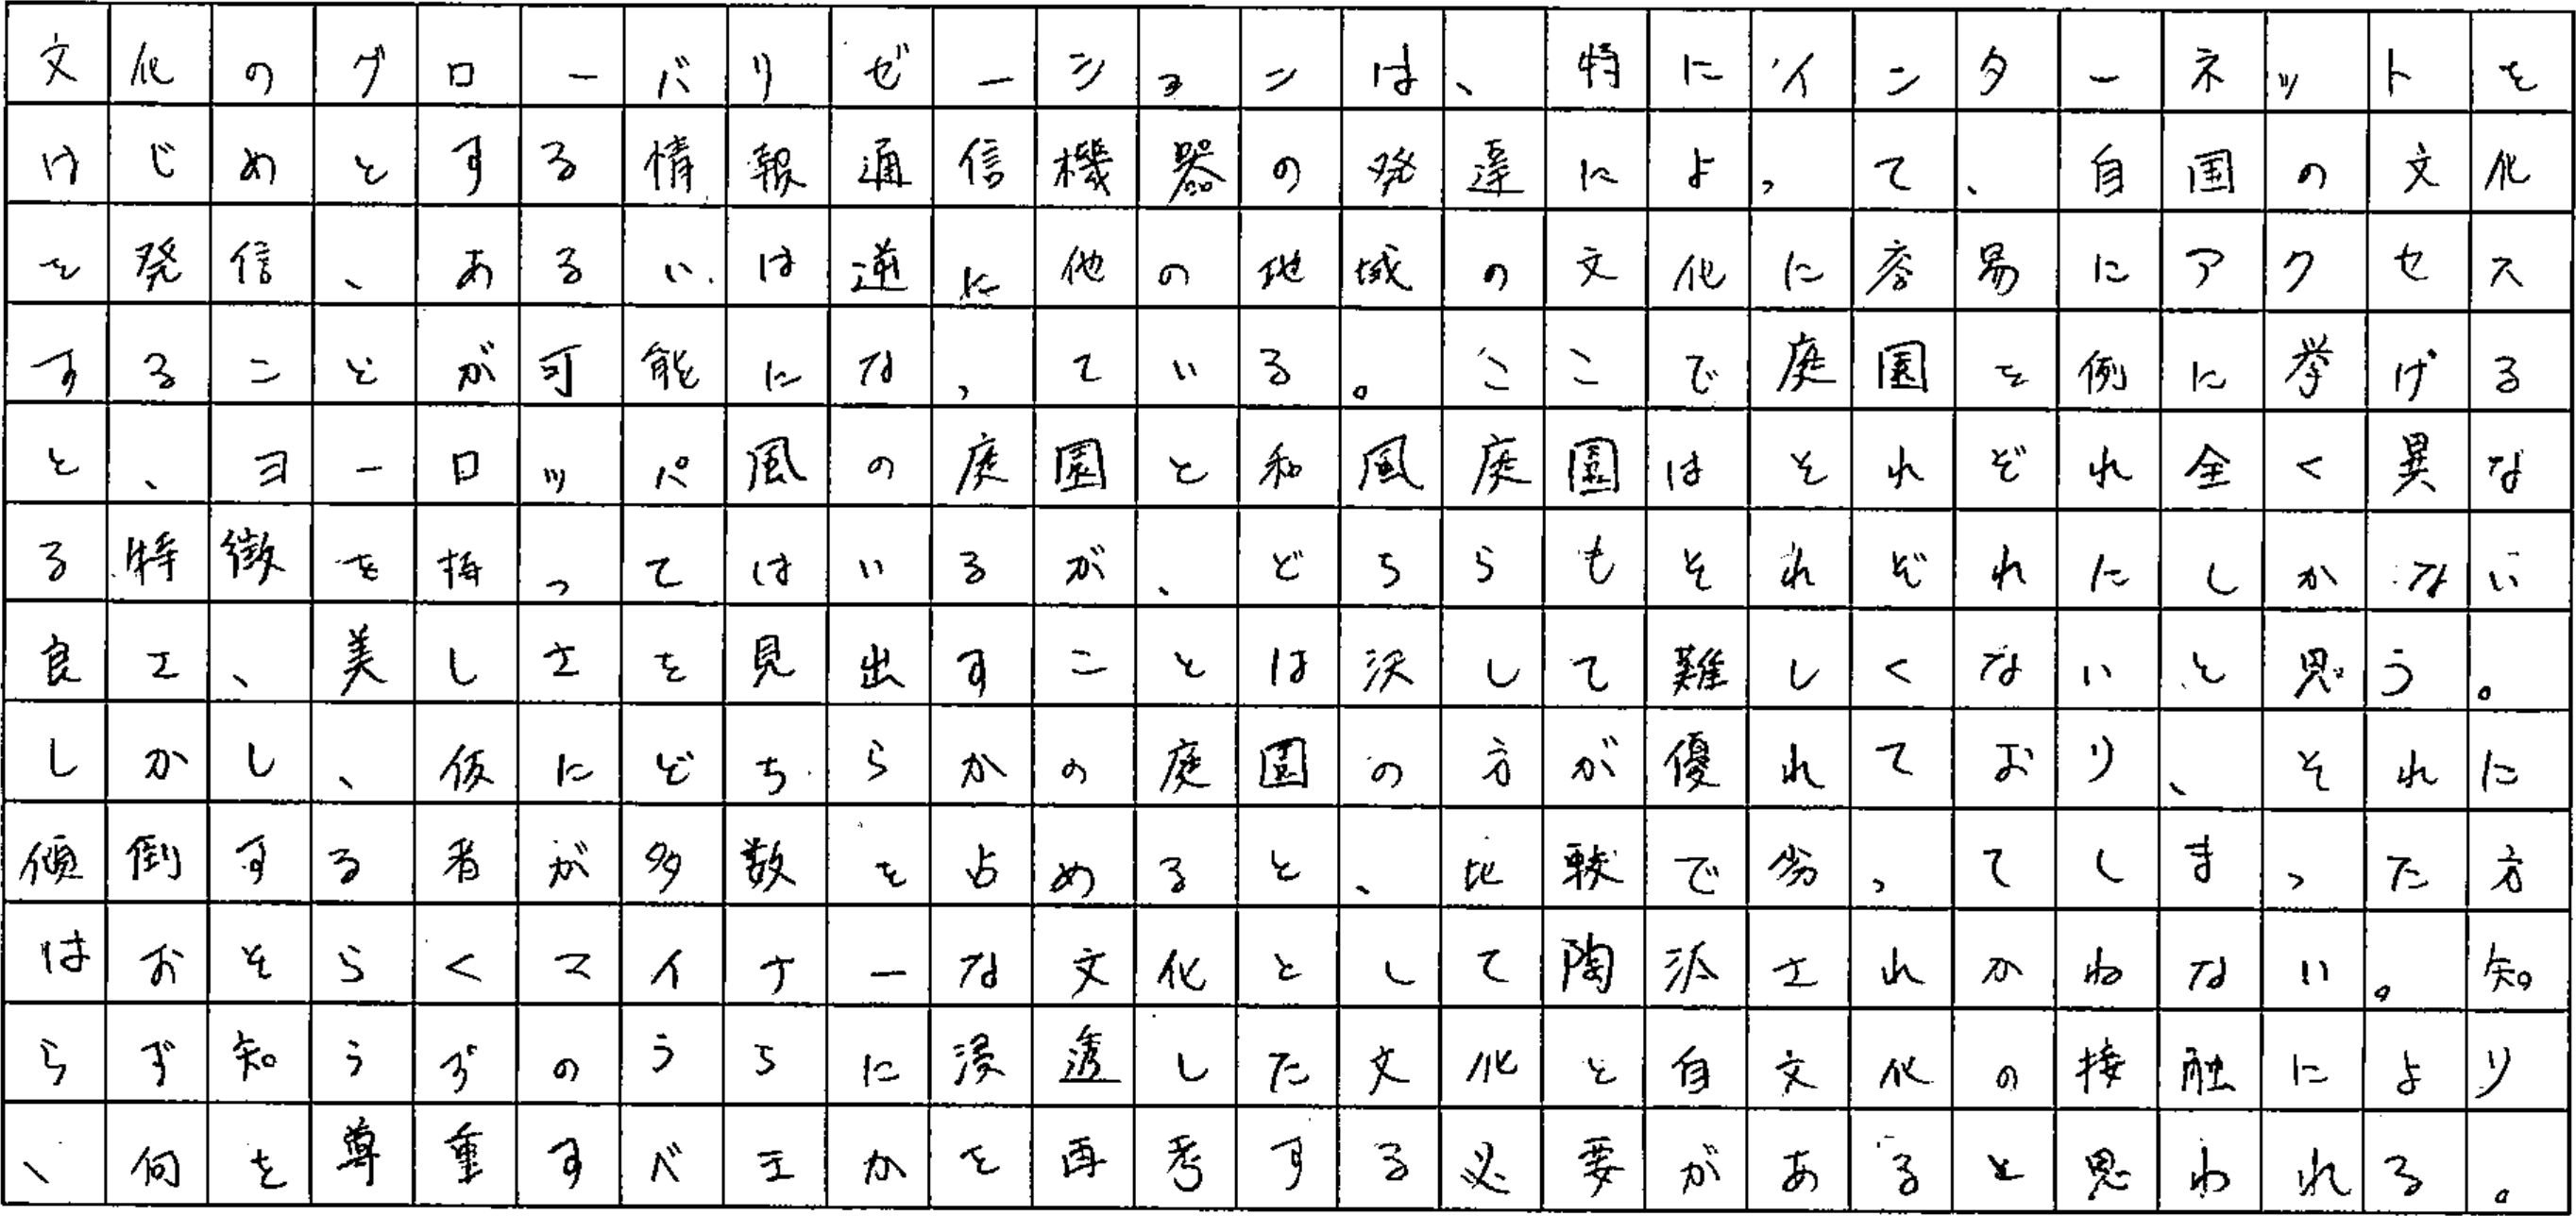文化のグローバリゼーションは、特にインターネットをはじめとする情報通信機器の発達によって、自国の文化を発信、あるいは逆に他の地域の文化に容易にアクセスすることが可能になっている。ここで庭園を例に挙げると、ヨーロッパ風の庭園と和風庭園はそれぞれ全く異なる特徴を持ってはいるが、どちらもそれぞれにしかない良さ、美しさを見出すことは決して難しくないと思う。しかし、仮にどちらかの庭園のほうが優れており、それに傾倒する者が多数を占めると、比較で劣ってしまった方はおそらくマイナーな文化として陶汰されかねない。知らず知らずのうちに浸透した文化と自文化の接触により、何を尊重すべきかを再考する必要があると思われる。
